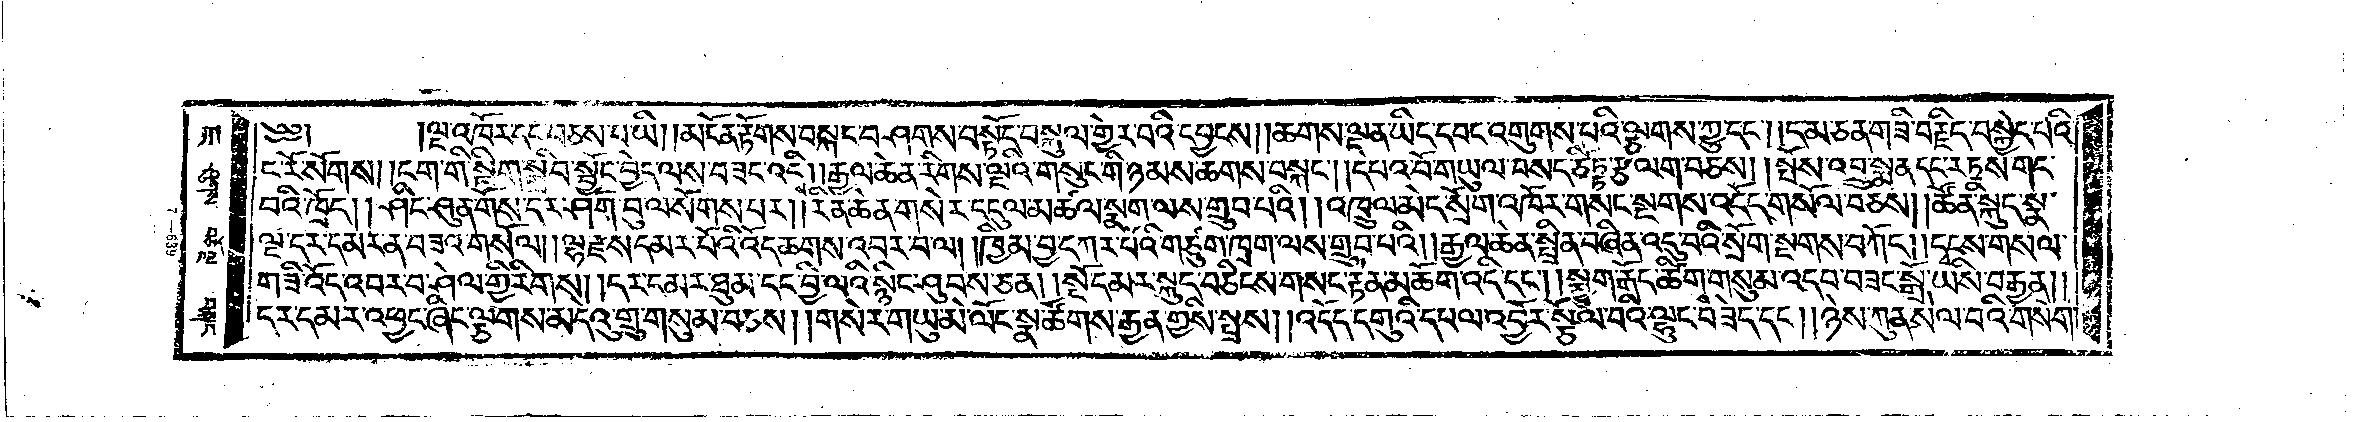༄༅། །ལྔ་འཁོར་དང་བཅས་པ་ཡི། །མངོན་རྟོགས་བསྐང་བཤགས་བསྟོད་བསྐུལ་གྱེར་བའི་དབྱངས། །ཆགས་ལྡན་ཡིད་དབང་འགུགས་པའི་ལྟེགས་ཀྱུ་དང་། །དམ་ཅན་གཟི་བརྗིད་བསྐྱེད་པའི་
ང་རོ་སོགས། །ངག་གི་སྡིག་སྒྲིབ་སྤྱོད་བྱེད་ལས་བཟང་འདི། །རྒྱལ་ཆེན་རིགས་ལྔའི་གསུང་གི་ཉམས་ཆགས་བསྐང་། །དཔའ་བོ་གཡུལ་བསད་ཙིཏྟ་རྩ་ལག་བཅས། །སྤོས་འབྲུ་སྨན་དང་རཏྣས་གང་
བའི་ཁྲོད། །ཤིང་ཤུན་གོས་དར་ཤོག་བུ་ལ་སོགས་པར། །རིན་ཆེན་གསེར་དངུལ་མཚལ་སྣག་ལས་གྲུབ་པའི། །འཁྲུལ་མེད་སྲོག་འཁོར་གསང་སྔགས་འདོད་གསོལ་བཅས། །ཚོན་སྐུད་སྣ་
ལྔ་དར་དམར་ན་བཟའ་གསོལ། །ལྷ་རྫས་དམར་པོའི་འོད་ཆགས་འབར་བ་ལ། །ཁྱིམ་བྱ་དཀར་པོའི་གཙུག་ཁྲག་ལས་གྲུབ་པའི། །རྒྱལ་ཆེན་སྤྲིན་བཞིན་འདུ་བའི་སྲོག་སྔགས་བཀོད། །དྭངས་གསལ་
གཟི་འོད་འབར་བ་ཤེལ་གྱི་རིགས། །དར་དམར་ཐུམ་དང་བྱི་ལའི་སྙིང་ཤུབས་ཅན། །སྔོ་དམར་སྐུད་བཅིངས་གསང་རྟེན་མཆོག་འདི་དང་། །སྨྱུག་རྒོད་ཚིག་གསུམ་འདབ་བཟང་སྒྲོ་ཡིས་བརྒྱན། །
དར་དམར་འཕྱང་ཞིང་ལྕགས་མདེའུ་གྲུ་གསུམ་བཅས། །གསེར་གཡུ་མེ་ལོང་སྣ་ཚོགས་རྒྱན་གྱིས་སྤྲས། །འདོད་དགུའི་དཔལ་འབྱོར་སྩོལ་བའི་ལྷུང་བཟེད་དང་། །ཉེས་ཀུན་སེལ་བའི་གསེག་